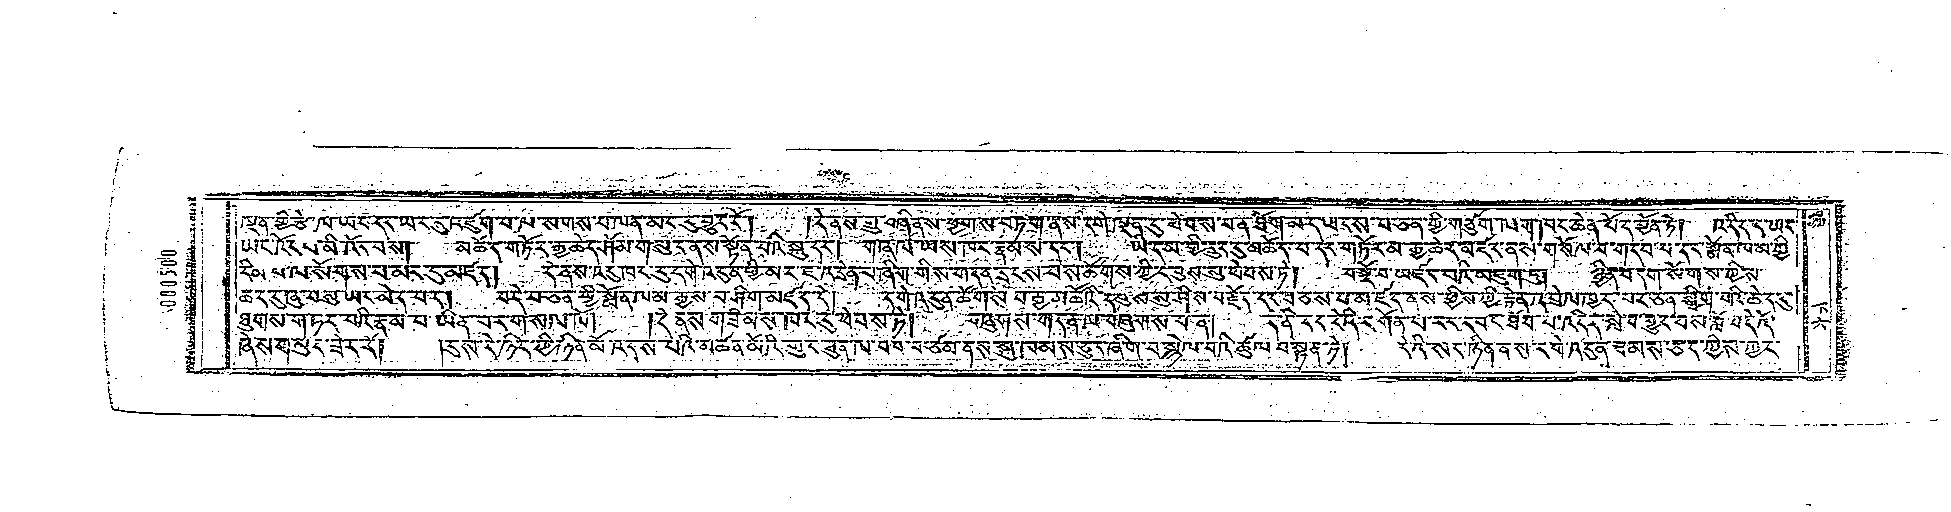ལྡན་གྱི་རྩེ་ལ་ཡང་དང་ཡང་དུ་འཛུག་པ་ལ་སོགས་པ་ལན་མང་དུ་བྱུང་ངོ། །དེ་ནས་གྲུ་བཞི་ནས་ཕྱགས་བཏག་ནས་དགེ་ལྡན་དུ་ཕེབས་པ་ན་ཐོག་མར་ཡངས་པ་ཅན་གྱི་གཙུག་ལག་ཁང་ཆེན་པོར་བྱོན་ཏེ། འདིར་ད་ཡང་
ཡང་འོད་པ་མི་འོད་པས། མཆོད་གཏོར་རྒྱ་ཆེར་ཤོམ་གསུང་ནས་སྟོན་པའི་སྐུ་དང་། གཞལ་ཡས་ཁང་རྣམས་དང་། ཡི་དམ་གྱི་དྲུང་དུ་མཆོད་པ་དང་གཏོར་མ་རྒྱ་ཆེར་མཛད་ནས་གསོལ་བ་གདབ་པ་དང་སྨོན་ལམ་གྱི་
རིམ་པ་ལ་སོགས་པ་མང་དུ་མཛད། དེ་ནས་འདུ་ཁང་དུ་དགེ་འདུན་གྱི་མང་ཇ་འདྲེན་པ་ཞིག་གིས་གདན་དྲངས་པས་ཚོགས་ཀྱི་དབུས་སུ་ཕེབས་ཏེ། བསྔོ་བ་མཛད་པའི་མཇུག་ཏུ། སྦྱིན་བདག་སོགས་ཀྱིས་
ཆང་དུ་ཞུ་བསུ་ཡང་མེད་པར། བདེ་བ་ཅན་གྱི་སྨོན་ལམ་རྒྱས་བ་ཤིག་མཛད་དེ། དགེ་འདུན་ཚོགས་པ་རྒྱ་མཚོའི་དབུས་སུ་ཤིས་བརྗོད་དང་བཅས་པ་མཛད་ནས་ཕྱིས་ཀྱི་རྟེན་འབྲེལ་ཁྱད་པར་ཅན་སྒྲིག་བའི་ཆེད་དུ་
ཐུགས་གཏད་བའི་རྣམ་པ་ཡིན་པར་གསལ་ལོ། །དེ་ནས་གཟིམས་ཁང་དུ་ཕེབས་ཏེ། བཞུགས་གདན་ལ་བཞུགས་པ་ན། ད་ནི་ངང་དེའི་དགོན་པ་རང་དབང་ཐོབ་པ་འདིར་སླེབ་བྱུང་བས་བློ་བདེའོ་
ཞེས་གསུང་ཟེར་རོ། །དུས་དེ་ཉིད་ཀྱི་ཉིན་མོ་འདས་པའི་མཚན་མོའི་གུང་ཐུན་ལ་བབ་པ་ཙམ་ནས་སྐུ་ཁམས་ཅུང་ཞིག་བསྙེལ་བའི་འཚུལ་བསྟན་ཏེ། དེའི་སང་ཉིན་ནས་དགེ་འདུན་ཐམས་ཅད་ཀྱིས་ཀྱང་